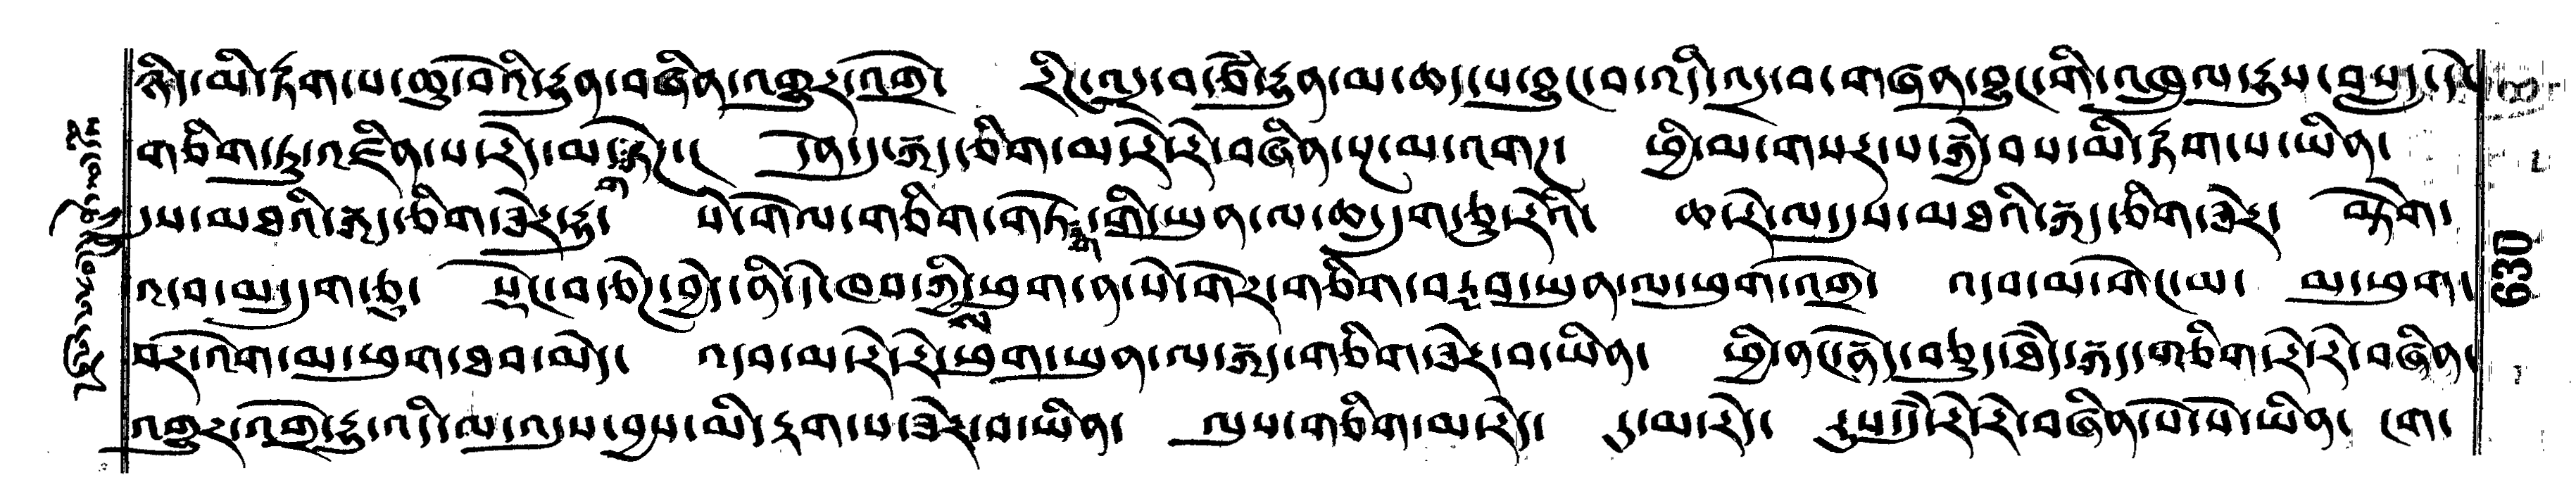ཉིད་མི་རྟག་པ་ཆུ་བོའི་རྒྱུན་བཞིན་འགྱུར་འགྲོ། རིགས་འདྲ་བ་ཙམ་རྒྱུན་མ་ཆད་པ་བྱུང་བ་འདི་འདྲ་བ་གཞན་བྱུང་གི་འཁྲུལ་རྒྱུས་བསླད་དེ་
གཅིག་ཏུ་འཛིན་པ་རེད་མ་གཏོགས། དོན་དུ་སྐད་ཅིག་མ་རེ་རེ་བཞིན་སྔ་མ་འགགས། ཕྱི་མ་གསར་པ་སྐྱེ་བས་མི་རྟག་པ་ཡིན། 
དུས་མཐའི་སྐད་ཅིག་ཟེར་རྒྱུ། སེ་གོལ་གཅིག་གཏོག་པའི་ཡུན་ལ་ཆ་དྲུག་ཅུ་རེའི་ཆ་རེ་ལ་དུས་མཐའི་སྐད་ཅིག་ཟེར། མེ་ཏོག་གི་
འདབ་མ་དྲུག་ཅུ་བརྩེགས་ནས་ ( སྡོང་བརྩེགས་བྱེད་ནི་ ? )དེ་ཁབ་ཀྱིས་ཕུག་ན་སེ་གོལ་གཅིག་བརྡབ་ཡུན་ལ་ཕུག་འགྲོ། འདབ་མ་གོང་མ་མ་ཕུག་
པར་འོག་མ་ཕུག་ཐབ་མེད། འདབ་མ་རེ་རེ་ཕུག་ཡུན་ལ་སྐད་གཅིག་ཟེར་བ་ཡིན། ཕྱི་ནང་སྣོད་བཅུད་ཐམས་ཅད་སྐད་གཅིག་རེ་རེ་བཞིན་
འགྱུར་འགྲོ་རྒྱུ་འདི་ལ་འདུས་བྱས་མི་རྟག་པ་ཟེར་བ་ཡིན། ལུས་གཅིག་མ་རེད། དུ་མ་རེད། རུས་དུམ་རེ་རེ་བཞིན་སོ་སོ་ཡིན། ངག་